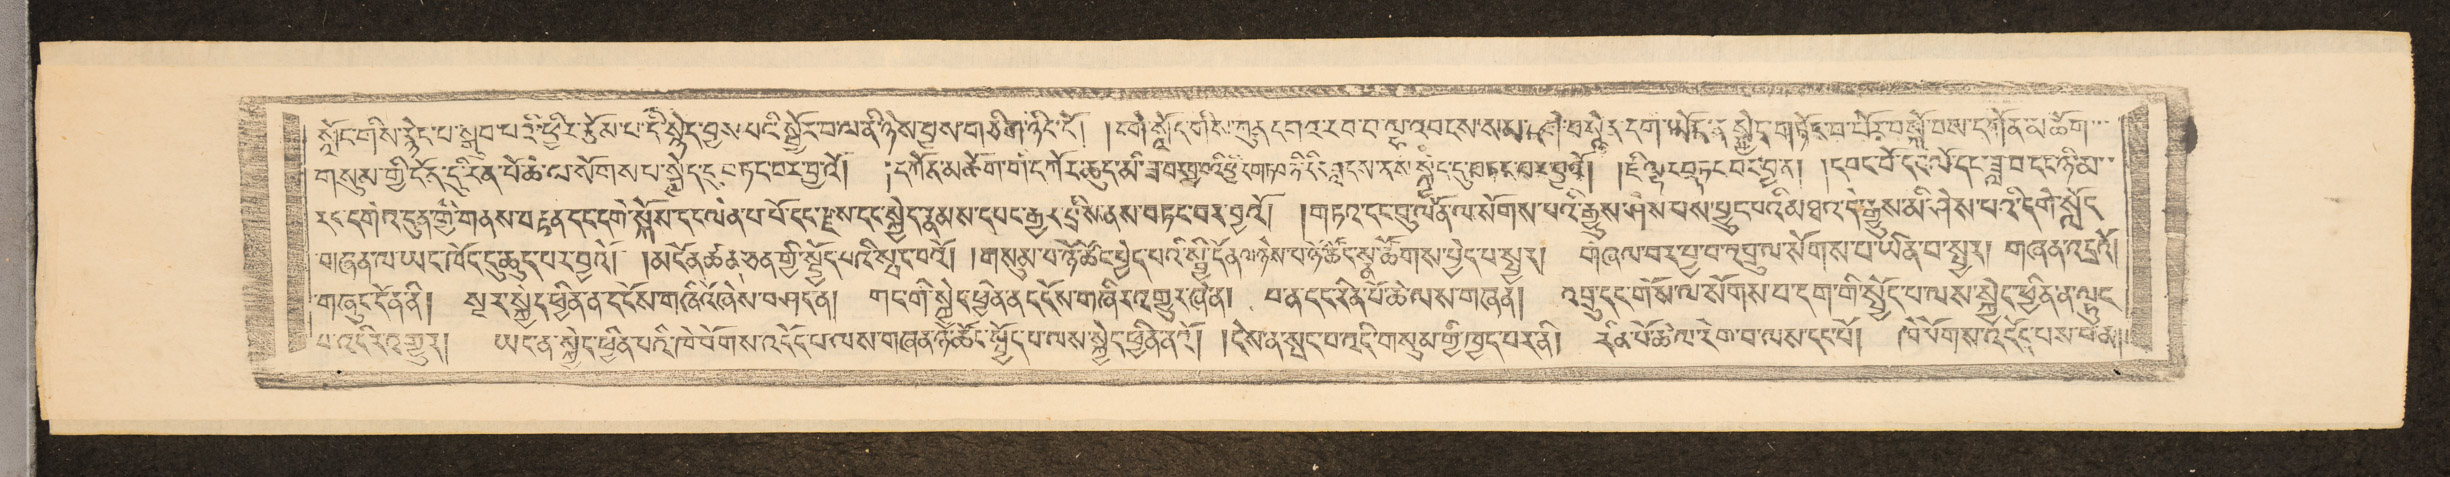སློང་གིས་རྙེད་པ་སྒྲུབ་པའི་ཕྱིར་རྩོམ་པ་ཇི་སྙེད་བྱས་པའི་སྦྱོར་བ་ལ་ནི་ཉེས་བྱས་གཅིག་ཉིད་དོ། །དགེ་སློང་གིས་ཀུན་དགའ་ར་བ་པ་ལྷ་འབངས་སམ་དགེ་བསྙེན་དག་ཡོད་ན་སྐྱེད་གཏོང་བ་པོར་བསྐོ་བས་དཀོན་མཆོག་
གསུམ་གྱི་དོན་དུ་རིན་པོ་ཆེ་ལ་སོགས་པ་སྐྱེད་དུ་བཏང་བར་བྱའོ། །དཀོན་མཆོག་གི་དཀོར་ཆུད་མི་ཟ་བར་བྱ་བའི་ཕྱིར་གཏའ་ཉི་རིར་བླངས་ནས་སྐྱེད་དུ་བཏང་བར་བྱའོ། །ཇི་ལྟར་བཏང་བར་བྱ་ན། དབང་པོ་དང་ལོ་དང་ཟླ་བ་དང་ཉི་མ་
དང་དགེ་འདུན་གྱི་གནས་བརྟན་དང་དགེ་སྐོས་དང་ལེན་པ་པོ་དང་རྫས་དང་སྐྱེད་རྣམས་དབང་རྒྱར་བྲིས་ནས་བཏང་བར་བྱའོ། །གཏའ་དང་བུ་ལོན་ལ་སོགས་པའི་རྒྱུས་ཤེས་པས་བྱུང་བའི་མཐའ་དེ་རྒྱུས་མི་ཤེས་པའི་དགེ་སློང་
གཞན་ལ་ཡད་ཁོང་དུ་ཆད་པར་བྱའོ། །མངོན་ཚན་ཅན་གྱི་སྤྱོད་པའི་སྤང་བའོ། །གསུམ་པ་ཉོ་ཚོང་བྱེད་པའི་སྤྱི་དོན་ལ་ཉེས་པ་ཉེ་ཚོང་སྣ་ཚོགས་བྱེད་པ་སྦྱར། གཞལ་བར་བྱ་བ་འབྲུ་ལ་སོགས་པ་ཡིན་པ་སྦྱར། གཞན་འདྲའོ།།
གཞུང་དོན་ནི། སྔར་སྐྱེད་ཕྱིན་ན་དངོས་གཞིའོ་ཞེས་བཤད་ན། གང་གི་སྐྱེད་ཕྱིན་ན་དངོས་གཞིར་འགྱུར་ཞེ་ན། པ་ན་དང་རིན་པོ་ཆེ་ལས་གཞན། འབྲུ་དང་གོས་ལ་སོགས་པ་དག་གི་སྤྱོད་པ་ལས་སྐྱེད་ཕྱིན་ན་ལྟུང་
བ་འདིར་འགྱུར། ཡང་ན་སྐྱེད་ཕྱིན་པའི་ཁེ་བོགས་འདོད་པ་ལས་གཞན་ཉོ་ཚོང་སྤྱོད་པ་ལས་སྐྱེད་ཕྱིན་ནའོ། །དེས་ན་སྤང་བ་འདི་གསུམ་གྱི་ཁྱད་པར་ནི། རིན་པོ་ཆེ་ལ་རེག་པ་ལས་དང་པོ། ཁེ་བོགས་འདོད་པས་བན་